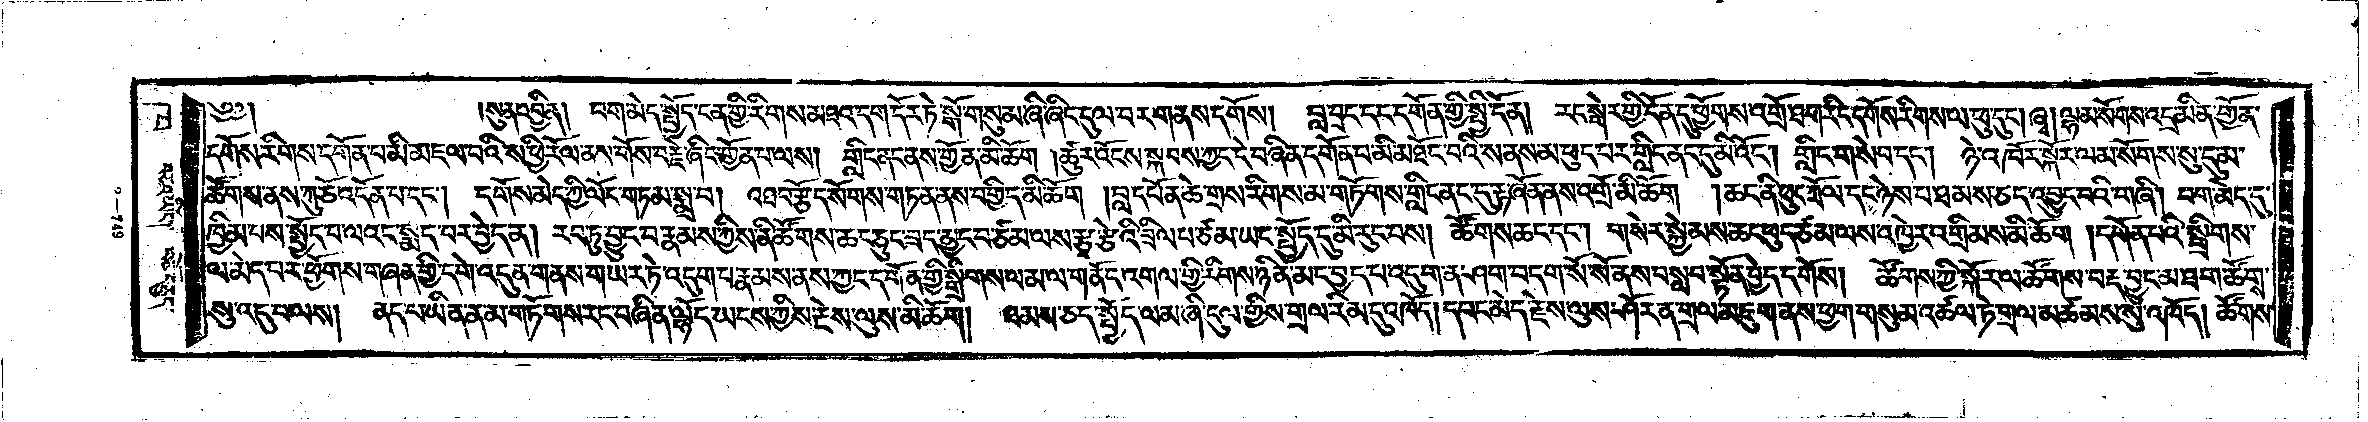༄༅། །སུན་འབྱིན། བག་མེད་སྤྱོད་ངན་གྱི་རིགས་མཐའ་དག་དོར་ཏེ་སྒོ་གསུམ་ཞི་ཞིང་དུལ་བར་གནས་དགོས། བླ་བྲང་དང་དགོན་གྱི་སྤྱི་དོན། རང་སྒེར་གྱི་དོན་དུ་ཕྱོགས་འགྲོ་ཐག་རིང་དགོས་རིགས་ལ་ཕུ་དུང་། ཞྭ། ལྷམ་སོགས་འདྲ་མིན་གྱོན་
དགོས་རིགས་དགོན་པ་མི་འཇལ་བའི་ས་ཕྱི་རོལ་ནས་གོས་བརྗེ་ཞིང་གྱོན་པ་ལས། གླིང་ནང་ནས་གྱོན་མི་ཆོག །ཚུར་འོངས་སྐབས་ཀྱང་དེ་བཞིན་དགོན་པ་མི་མཐོང་བའི་ས་ནས་མ་ཕུང་བར་གླིང་ནང་དུ་མི་འོང་། གླིང་གསེབ་དང་། ཉེ་འཁོར་སྐོར་ལམ་སོགས་སུ་དུ་མ་
ཚོགས་ནས་ཀུ་ཅོ་འདོན་པ་དང་། དགོས་མེད་ཀྱི་ལོང་གཏམ་སྨྲ་བ། འཐབ་རྩོད་སོགས་གཏན་ནས་བགྱིད་མི་མཆོག །བླ་དཔོན་ཆེ་གྲས་རིགས་མ་གཏོགས་གླིང་ནང་དུ་རྟ་ཞོན་ནས་འགྲོ་མི་ཆོག །ཆང་ནི་ཕུང་ཀྲོལ་དང་ཉེས་པ་ཐམས་ཅད་འབྱུང་བའི་གཞི། བག་མེད་དུ་
ཁྱིམ་པས་སྤྱོད་པ་ལའང་སྨད་པར་བྱེད་ན། རབ་ཏུ་བྱུང་བ་རྣམས་ཀྱིས་ནི་ཚོགས་ཆང་ཅུང་ཟད་མྱུང་བ་ཙམ་ལས་རྩྭ་རྩེའི་ཟིལ་བ་ཙམ་ཡང་སྤྱོད་དུ་མི་རུང་བས། ཚོགས་ཆང་དང་། གསེར་སྐྱེམ་ཆང་ཕུད་ཙམ་ལས་འཁྱེར་འགྲིམས་མི་ཆོག །དགོན་པའི་སྒྲིགས་
པ་མེད་པར་ཕྱོགས་གཞན་གྱི་དགེ་འདུན་གནས་གཡར་ཏེ་འདུག་པ་རྣམས་ནས་ཀྱང་དགོན་གྱི་སྒྲིགས་ལམ་ལ་གནོད་འགལ་གྱི་རིགས་ཉིན་མང་བྱད་པ་འདུག་ན་ཤག་བདག་སོ་སོ་ནས་བསླབ་སྟོན་བྱེད་དགོས། ཚོགས་ཀྱི་སྐོར་ལ་ཚོགས་བརྡ་བྱུང་མ་ཐག་ཚོགས་
སུ་འདུ་བ་ལས། ནད་པ་ཡིན་ན་མ་གཏོགས་རང་བཞིན་ལྷོད་ཡངས་ཀྱིས་རྗེས་ལུས་མི་ཆོག །ཐམས་ཅད་སྤྱོད་ལམ་ཞི་དུལ་གྱིས་གྲལ་རིམ་དུ་འཁོད། དབང་མེད་རྗེས་ལུས་ཤོར་ན་གྲལ་མཇུག་ནས་ཕྱག་གསུམ་འཚལ་ཏེ་གྲལ་མཚམས་སུ་འཁོད། ཚོགས་